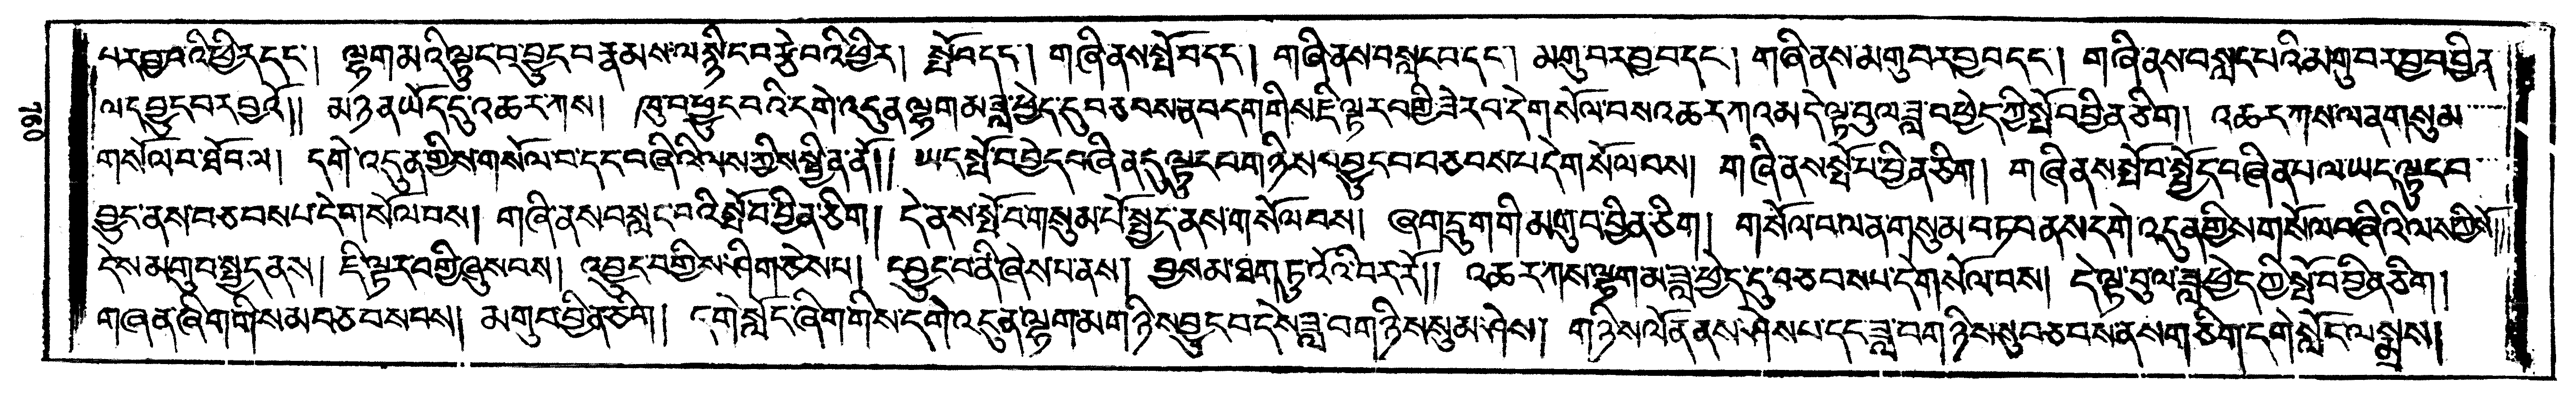པར་བྱ་བའི་ཕྱིར་དང་། ལྷག་མའི་ལྟུང་བ་བྱུང་བ་རྣམས་ལ་སྙིང་བརྩེ་བའི་ཕྱིར། སྤོབ་དང་། གཞི་ནས་སྤོ་བ་དང་། གཞི་ནས་བསླང་བ་དང་། མགུ་བར་བྱ་བ་དང་། གཞི་ནས་མགུ་བར་བྱ་བ་དང་། གཞི་ནས་བསླང་པའི་མགུ་བར་བྱ་བ་བྱིན་
ལ་དབྱུང་བར་བྱའོ།། མཉན་ཡོད་དུ་འཆར་ཀས། ཁུ་བ་ཕྱུང་བའི་དགེ་འདུན་ལྷག་མ་ཟླ་ཕྱེད་དུ་བཅབས་ན་བདག་གིས་ཇི་ལྟར་བགྱི་ཟེར་བ་དེ་གསོལ་བས་འཆར་ཀའམ་དེ་ལྟ་བུལ་ཟླ་བ་ཕྱེད་ཀྱི་སྤོ་བ་བྱིན་ཅིག། འཆར་ཀས་ལན་གསུམ་
གསོལ་བ་ཐོབ་ལ། དགེ་འདུན་གྱིས་གསོལ་བ་དང་བཞིའི་ལས་ཀྱིས་སྦྱིན་ནོ།། ཡང་སྤོ་བ་བྱེད་བཞིན་དུ་ལྟུང་བ་གཉིས་པ་བྱུང་བ་བཅབས་པ་དེ་གསོལ་བས། གཞི་ནས་སྤོ་པ་བྱིན་ཅིག། གཞི་ནས་སྤོ་བ་སྤྱོད་བཞིན་པ་ལ་ཡང་ལྟུང་བ་
བྱུང་ནས་བཅབས་པ་དེ་གསོལ་བས། གཞི་ནས་བསླང་བའི་སྤོ་བ་བྱིན་ཅིག། དེ་ནས་སྤོ་བ་གསུམ་པོ་སྤྱད་ནས་གསོལ་བས། ཞག་དྲུག་གི་མགུ་བ་བྱིན་ཅིག། གསོལ་བ་ལན་གསུམ་བཏབ་ནས་དགེ་འདུན་གྱིས་གསོལ་བཞིའི་ལས་ཀྱི་སོ།།
དེས་མགུ་བ་སྤྱད་ནས། ཇི་ལྟར་བགྱི་ཞུས་བས། འབྱུང་བགྱིས་ཤིག་ཅེས་པ། དབྱུང་བ་ནི་ཞེས་པ་ནས། བྱས་མ་ཐག་ཏུའོའི་བར་རོ།། འཆར་ཀས་ལྷག་མ་ཟླ་ཕྱེད་དུ་བཅབས་པ་དེ་གསོལ་བས། དེ་ལྟ་བུ་ལ་ཟླ་ཕྱེད་ཀྱི་སྤོ་བ་བྱིན་ཅིག།
གཞན་ཞིག་གི་སམ་བཅབས་པས། མགུབ་བྱིན་ཅིག། དགེ་སློང་ཞིག་གིས་དགེ་འདུན་ལྷག་མ་གཉིས་བྱུང་བ་དེས་ཟླ་བ་གཉིས་སུམ་ཤེས། གཉིས་ལོན་ནས་ཤེས་པ་དང་ཟླ་བ་གཉིས་སུ་བཅབས་ནས་གཅིག་དགེ་སློང་ལ་སྨྲས།